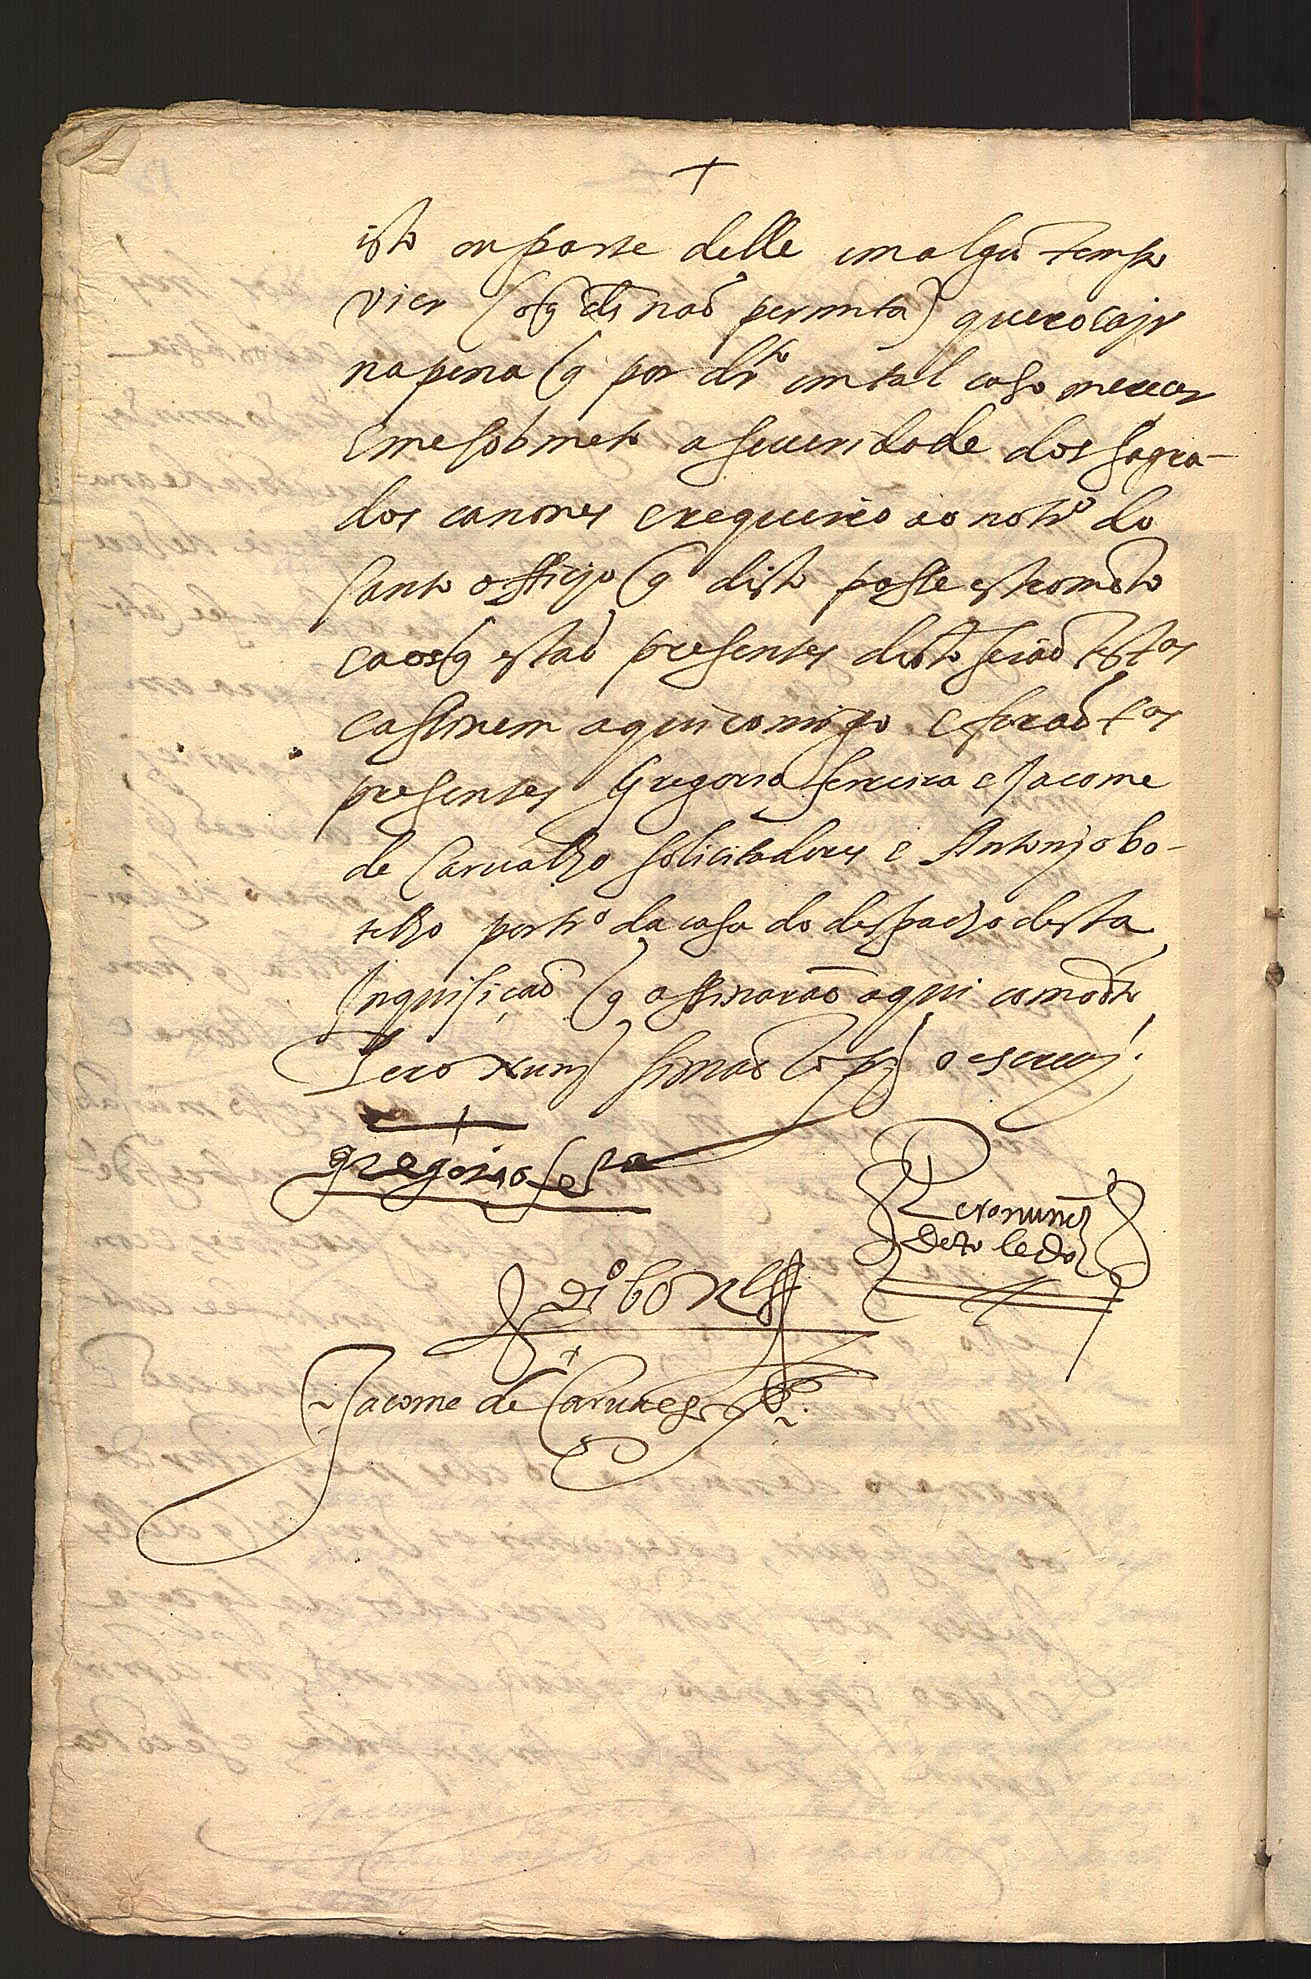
isto ou parte delle em algū tempo
vier (o q̄ d̄s naõ permita) quero cajr
na pena q̄ por drto em tal caso merecer
E me sobmeto a seueridade dos sagra
dos canones E requeiro ao notro do
santo officjo q̄ disto passe estromēto
E aos q̄ estaõ presentes disto seiaõ testas
e assinem aqui comigo e foraõ tas
presentes Gregorio ferreira e Jacome
de Carualho solicitadores e Antonjo bo
telho portro da casa do despacho desta
Jnquisiçaõ q̄ assinarão aqui com o dt̄o
Pero Nunz̄ simaõ Lopz̄ o escreuj.
gregorio fera
Pero nunez
de toledo
dio botelh
Jacome de Carualho
